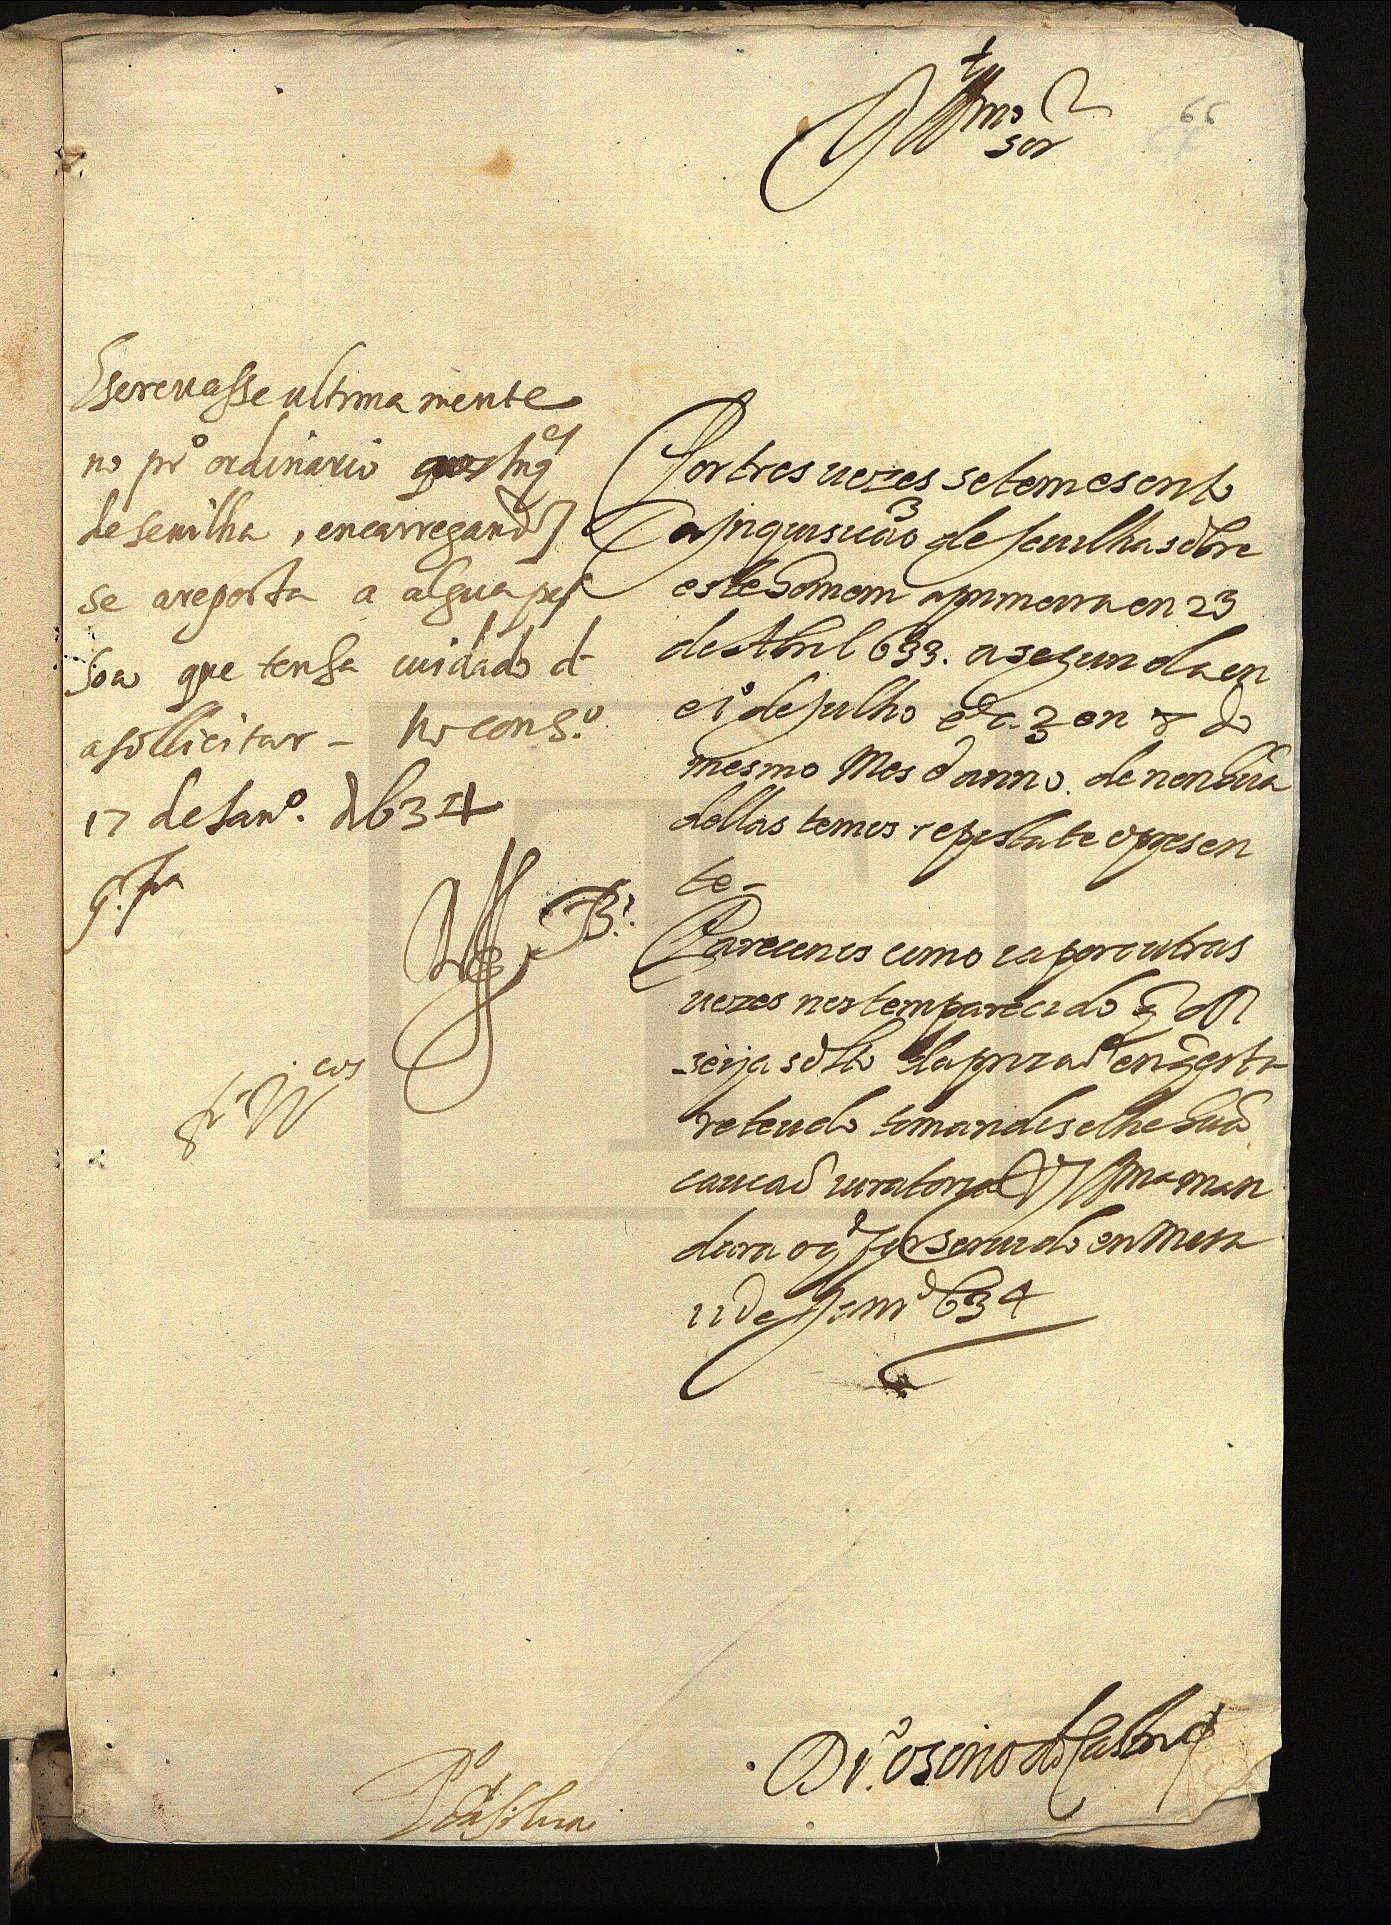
Escreuasse ultimamente
no pro ordinario aos Inqes
de seuilha, encarregandos
se a reposta a algua pes
soa que tenha cuidado d̄
a sollicitar - no cons.o
17 de Iano. de 634
Jll.mo sor̄
Por tres uezes se tem escrito
a Jnquisiçaõ de Seuilha sobre
este homem a primeira en 23
de Abril 633. a segunda en
o 1o de Julho e a 3 en 8 do
mesmo mes e anno de nenhuā
dellas temos reposta te o presen
te -
Parecenos como ia por outras
uezes nos tem parecido q̄ o R
seija solto da prizaõ en q̄ esta
reteudo tomandoselhe huā
cauçaõ iuratoria V Jllma man
dara o q̄ for seruido en mesa
11 de Janro 634
